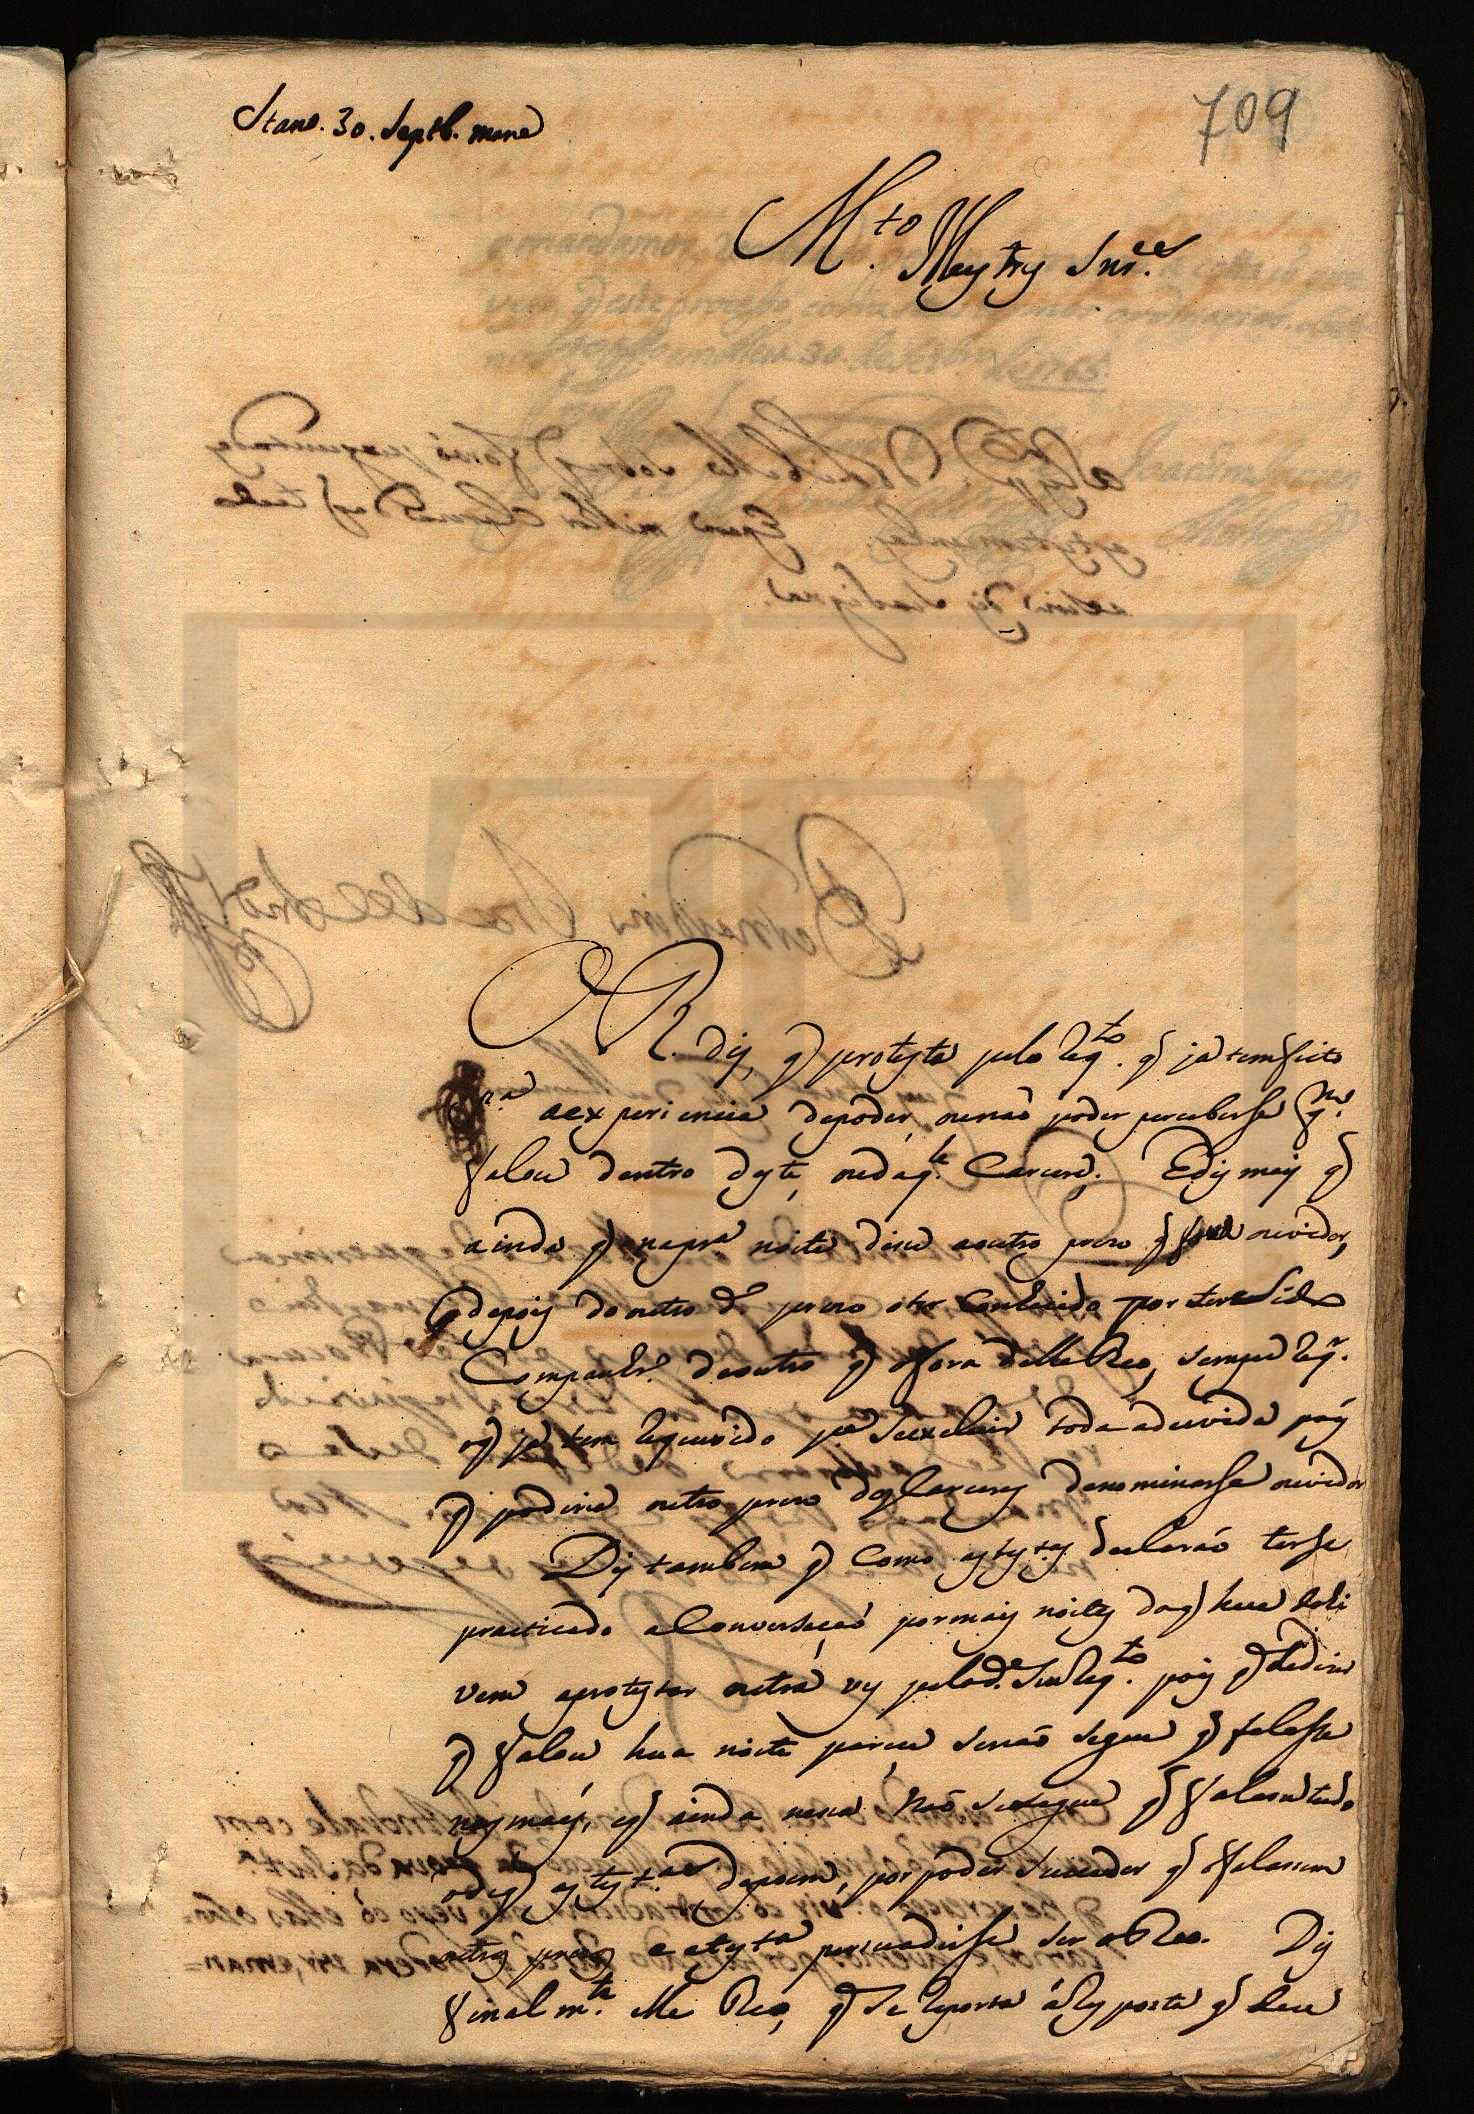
Stano. 30. septb. mane
M.to Illustres Snr.es
O R. dis, q̄ protesta pelo Req.to q̄ já tem feito
n.a experiencia de poder, ou naõ poder perceberse q.m
falou dentro deste, ou daq.le Carcere; E dis mais q̄
ainda q̄ na pr.a noite disse a outro prezo q̄ fora ouvidor,
depois do outro d.o prezo o ter Conhecido por ter sido
Companhr.o do outro q̄ o fora delle Reo, sempre Req.r
o q̄ ja tem Requerido p.a se excluir toda a duvida pois
q̄ poderia outro prezo dos Careeres denominarse ouvidor
Dis tambem q̄ como as testas declaraõ terse
practicado a Conversaçaõ por mais noites do q̄ teue dahi
vem a protestar outra ves pelo d.o seu Req.to pois q̄ se dizer
q̄ falou hua noite parece senaõ segue q̄ falasse
nas máes, e q̄ ainda nessa naõ se segue q̄ falara tudo
o de q̄ as test.as depoem, por poder succeder q̄ o falassem
outros prezos e a test.a persuadisse ser o Reo. Dis
finalm.te elle Reo, q̄ se Reporta á Resposta q̄ dece
